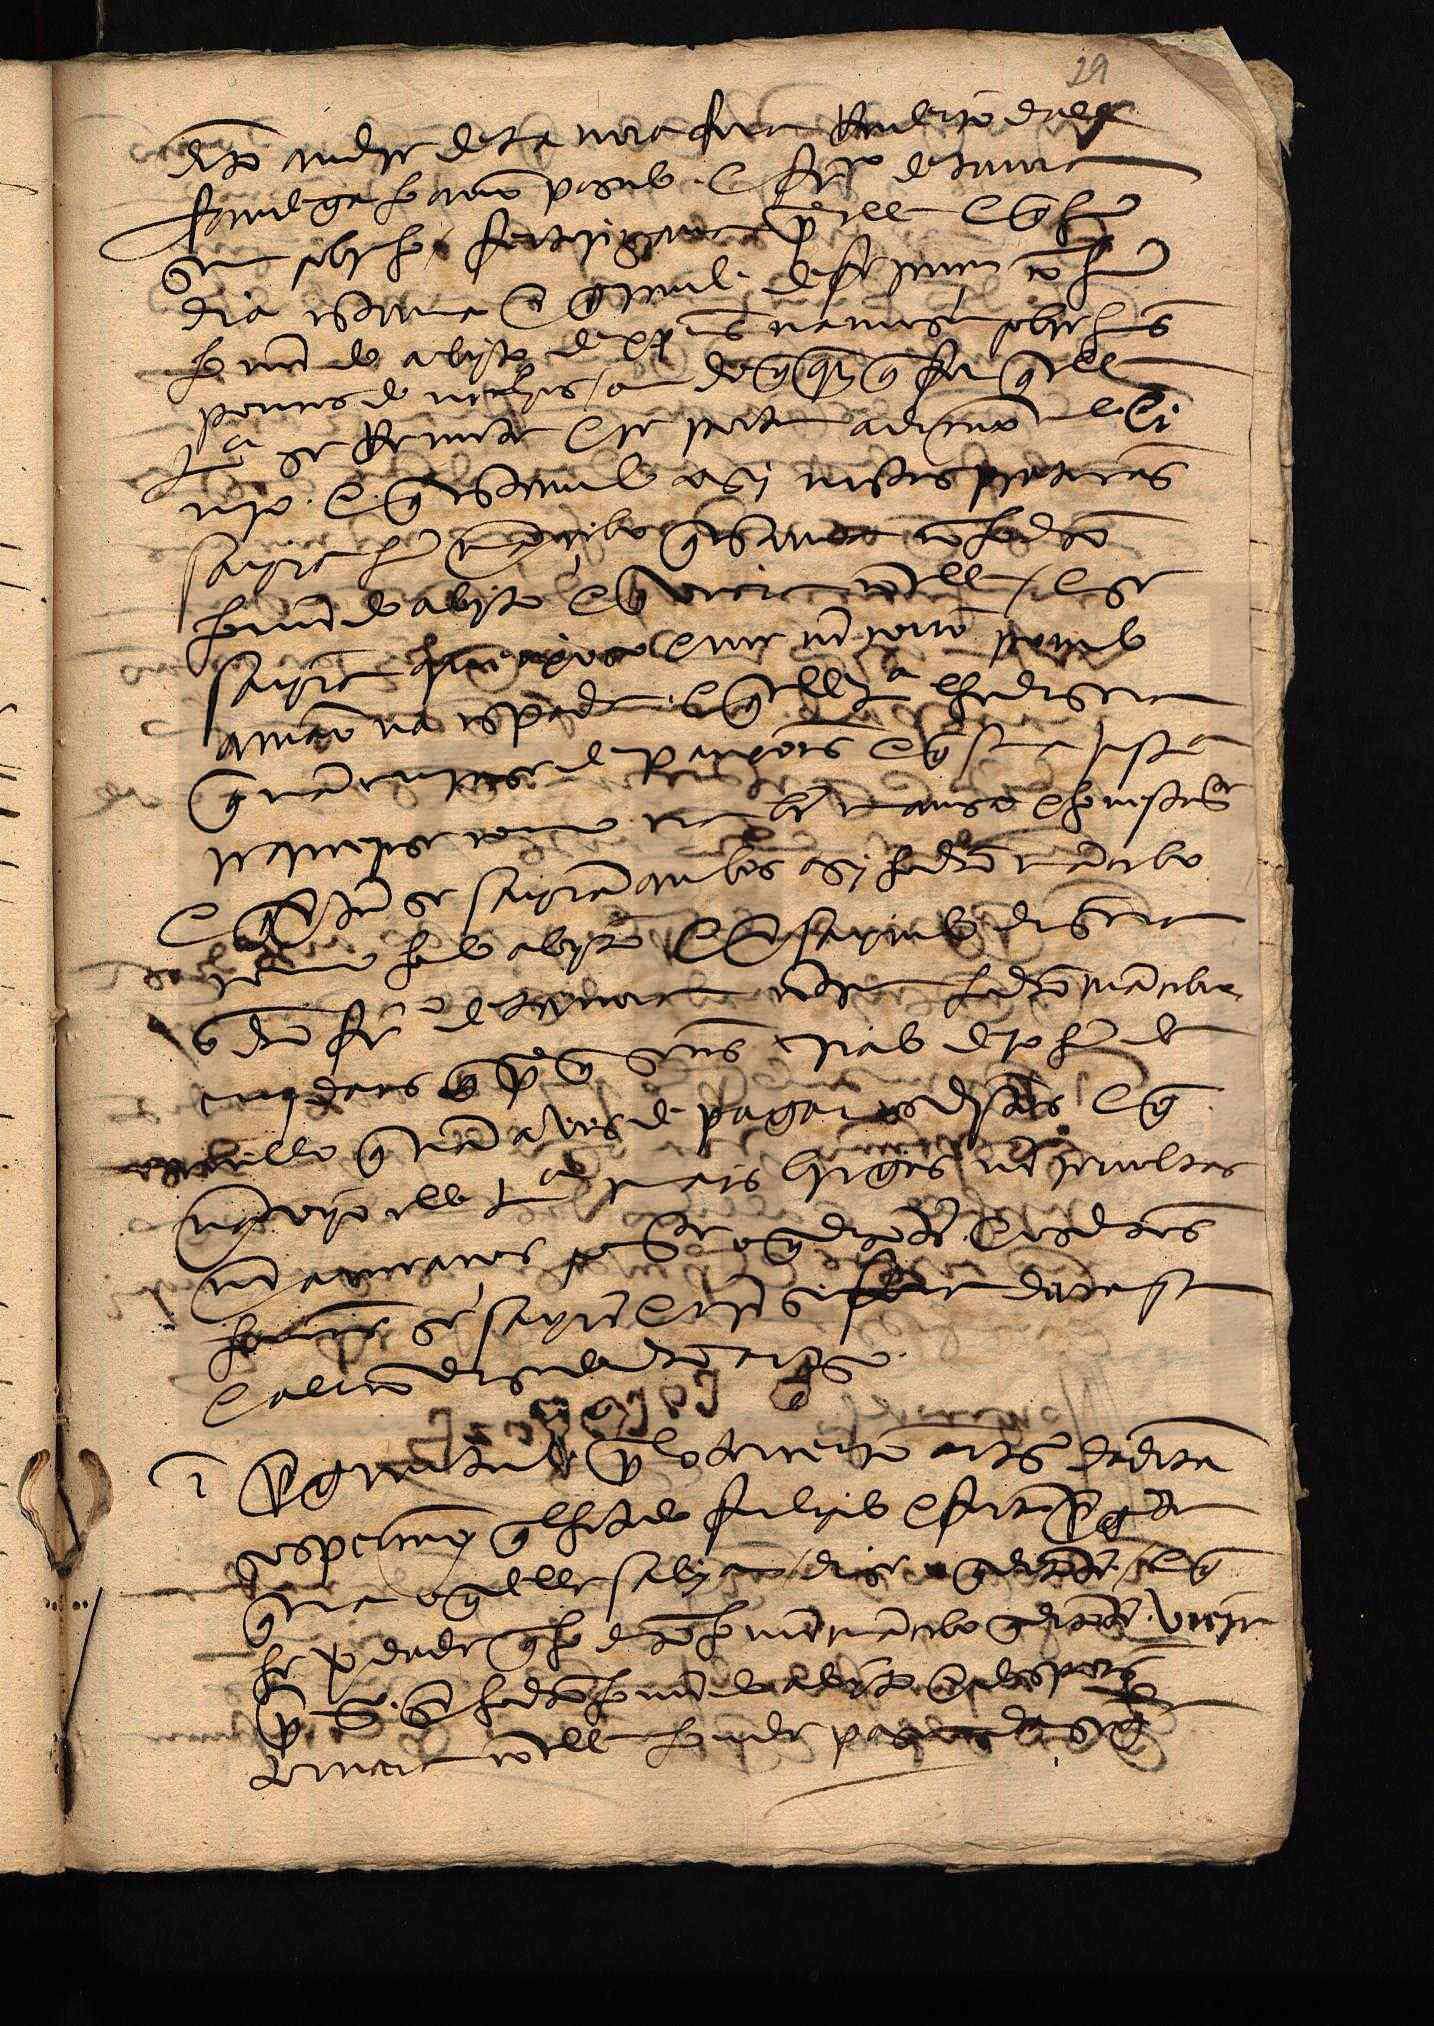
dito andre de tauora fora Rendeiro dall
famdega ho anō pasado. e frco de tauora
seu sobrinho feitorizaua p̄o elle e q̄ hū
dia estaua ē grande deferença c̄o hū
homē do abyto de xpūs na mesa sobre hūs
poucos de uinhos / ou do q̄ q̄r q̄ for q̄ elle
ta se Remete e reporta a dição do li
uro. e q̄ estamdo asy nestas praticas
sayra hū mācebo q̄ estaua c̄o ho dtō
homē do abjto e q̄ viera cō elle / e se
sayra queixoso e menēcorio pomdo
a mão na espada e q̄ elle ta lhe disera
q̄ nā curase de paixões e q̄ se a Justa
requerese como era bē mansa e honestamte
e q̄ entā se sayrā ambos asy ho dtō mācebo
como ho do abyto e ē saymdo disera
o dt̄o frco de tauora cōtra ho dtō mācebo
cuydaes q̄ p̄oq̄ soees criado de Johā de
mello q̄ nā aves de pagar os drtos e q̄
nā vyo elle ta mais brigas nē reuoltas
ē ameaços somte o q̄ dtō te e os dtōs
homēs se sayrē e irē se fora da casa
e all nō disse do dtō arto
item p̄gumtado p̄lo terceiro arto da dita
sospeição q̄ lhe todo foi lydo e feyta p̄gūta
q̄ era o q̄ delle sabya / dise o q̄ dito tē / e q̄
he ꝟdade q̄ ho dito homē mācebo q̄ dito tē viera
p̄mo sē ho dtō homē do abyto e despois
tornara cō elle honde pasa da segda
